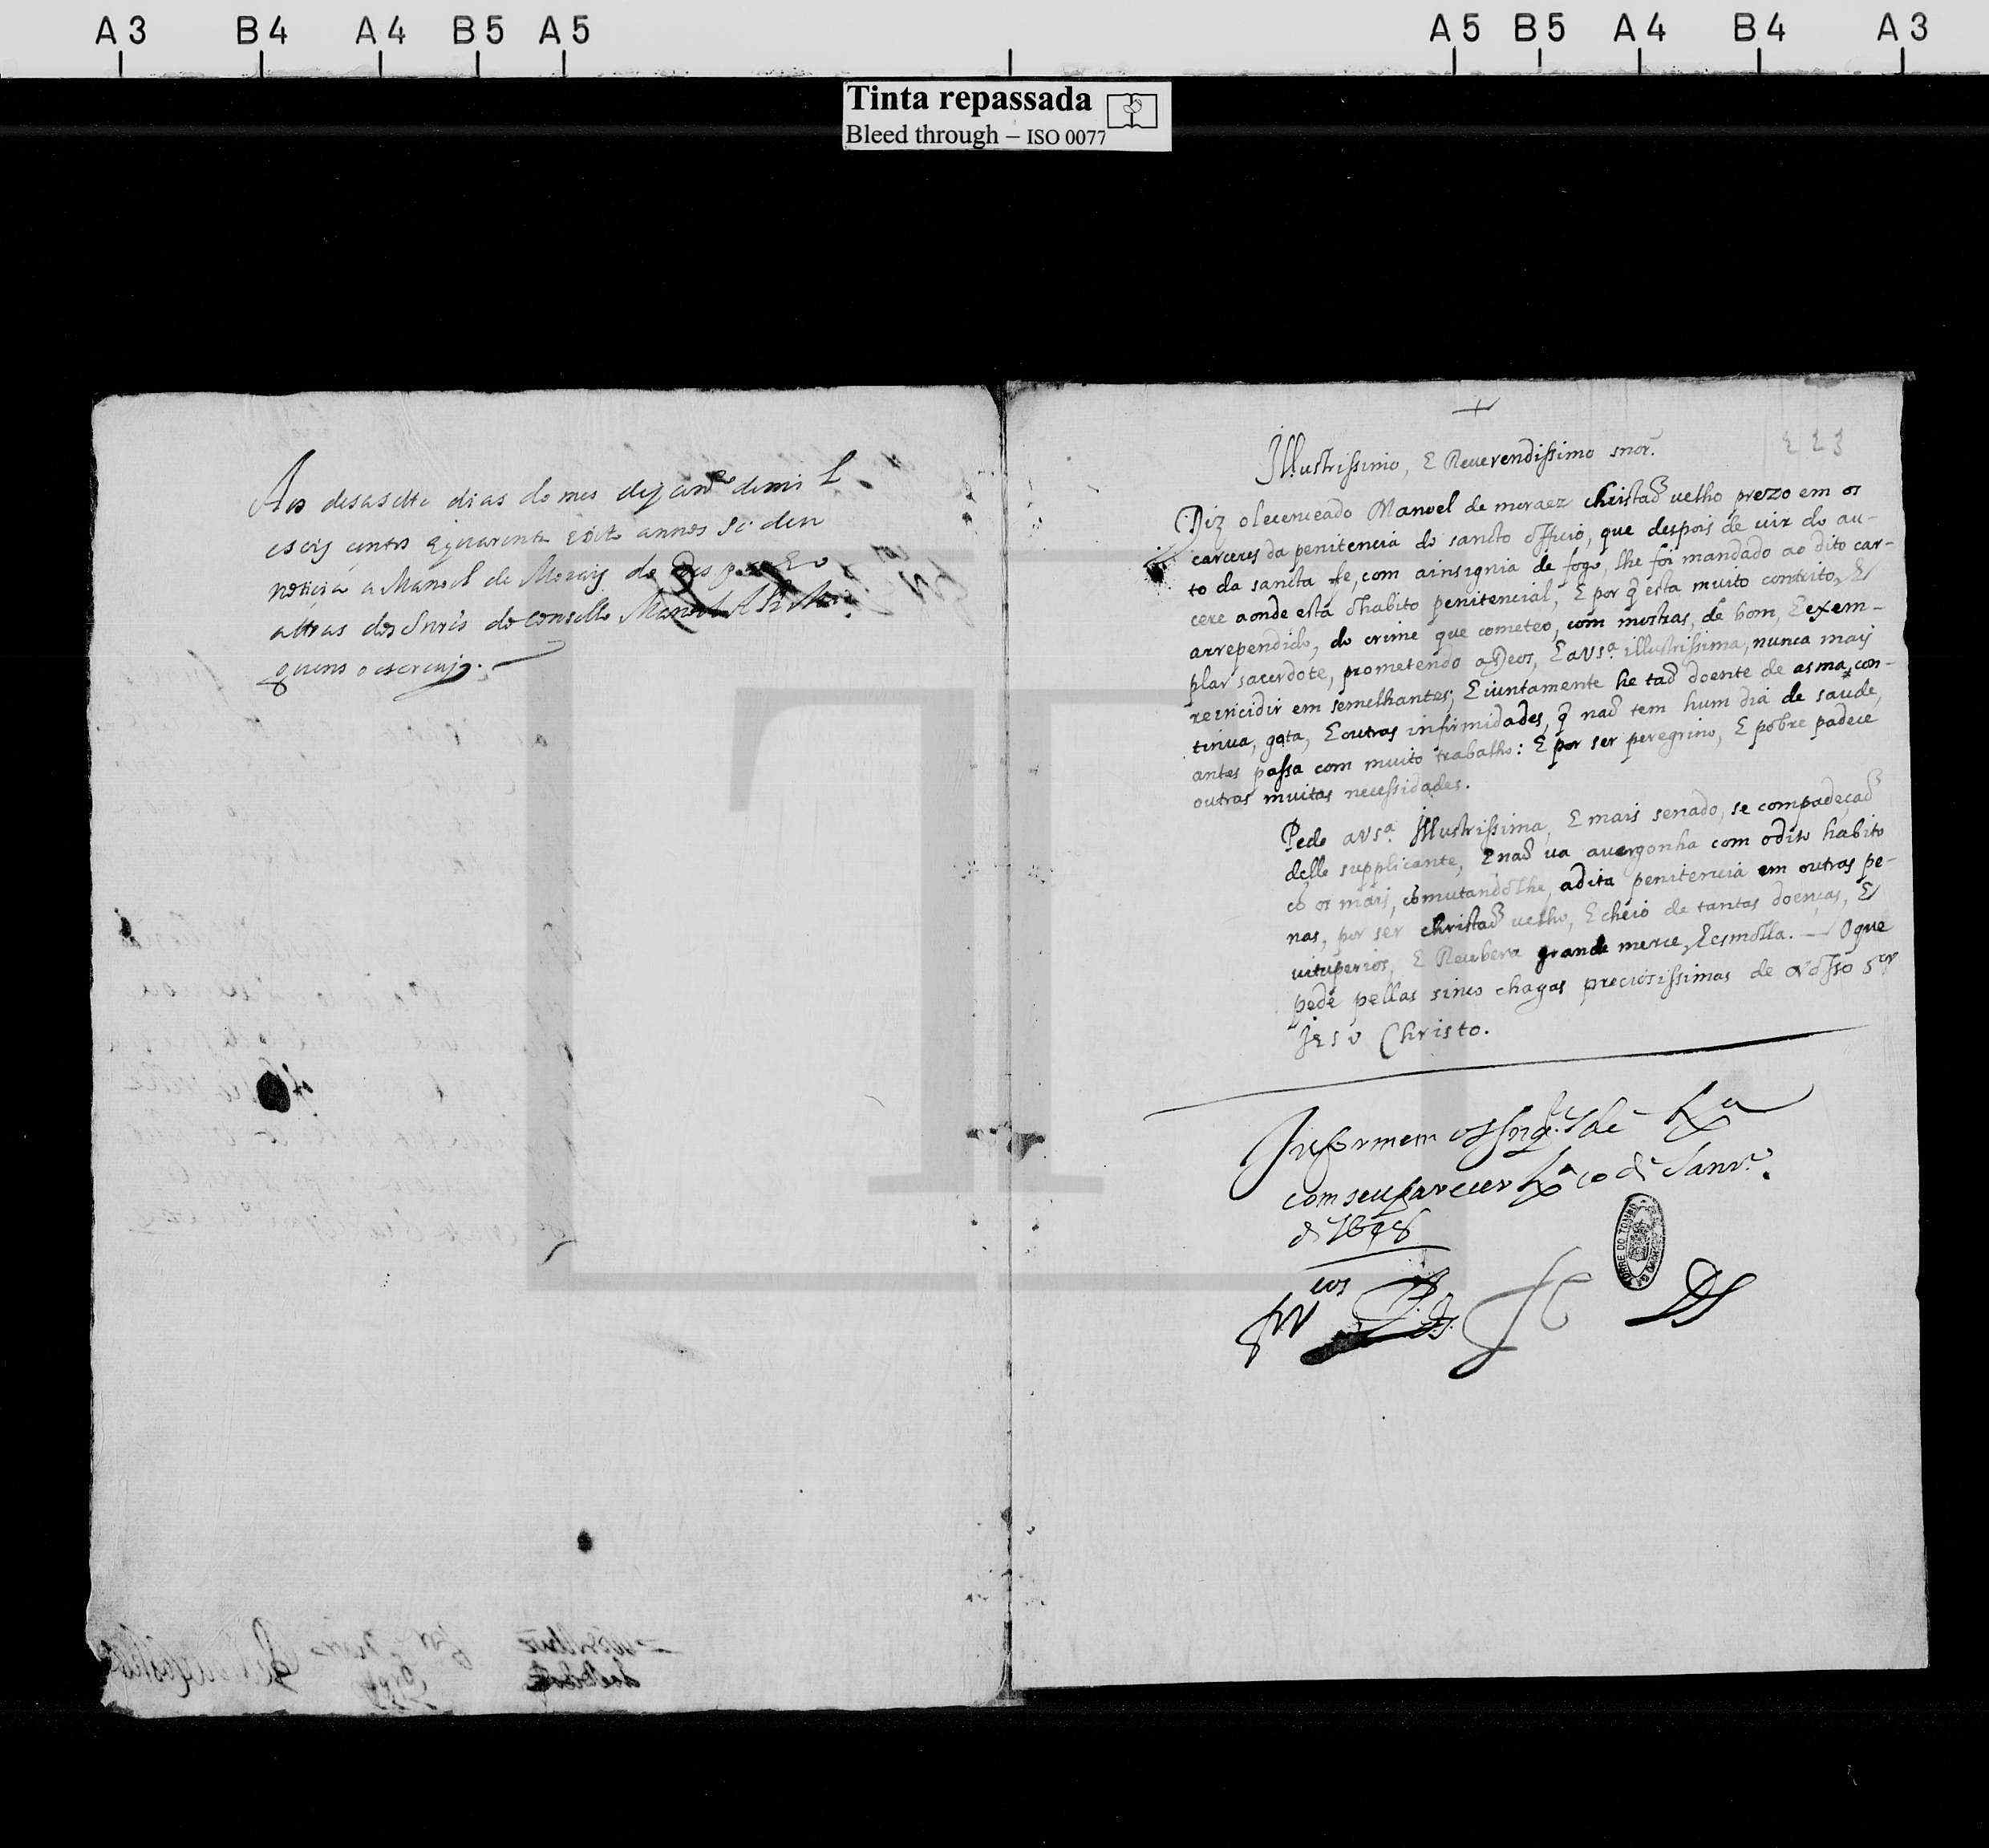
Aos desasette dias do mes de janro de mil
e seiscentos E quarenta E oito annos se deu
noticia a Manoel de Morais do despacho
attras dos Snres̄ do conselho Manoel Alz̄ Mi
guens o escreuj.
Illustrissimo, e Reuerendissimo snor̄.
Diz o lecenceado Manoel de moraez christaõ uelho prezo em os
carceres da penitencia do sancto officio, que despois de uir do au
to da sancta fe, com a insignia de fogo, lhe foi mandado ao dito car
cere aonde está o habito penitencial, E porq̄ esta muito contrito, E
arrependido, do crime que cometeo, com mostras de bom, E exem
plar sacerdote, prometendo a Deos, E a v s.a illustrissima, nunca mais
reincidir em semelhantes; E iuntamente he taõ doente de asma con
tinua, gota, E outras infirmidades, q̄ naõ tem hum dia de saude,
antes passa com muito trabalho: E por ser peregrino, E pobre padece
outras muitas necessidades.
Pede a v s.a Illustrissima, E mais senado, se compadeçaõ
delle supplicante, E naõ ua a uergonha com o dito habito
cō os mais cōmutandolhe, a dita penitencia em outras pe
nas, por ser christaõ uelho, E cheio de tantas doenças, E
uituperios, e Recebera grande merce, E esmolla. O que
pede pellas sinco chagas preciozissimas de Nosso sor.
Jesv Christo.
Jnformem os Jnq.res de Lxa
com seu parecer Lxa 10 de Ianr.o
d 1648
